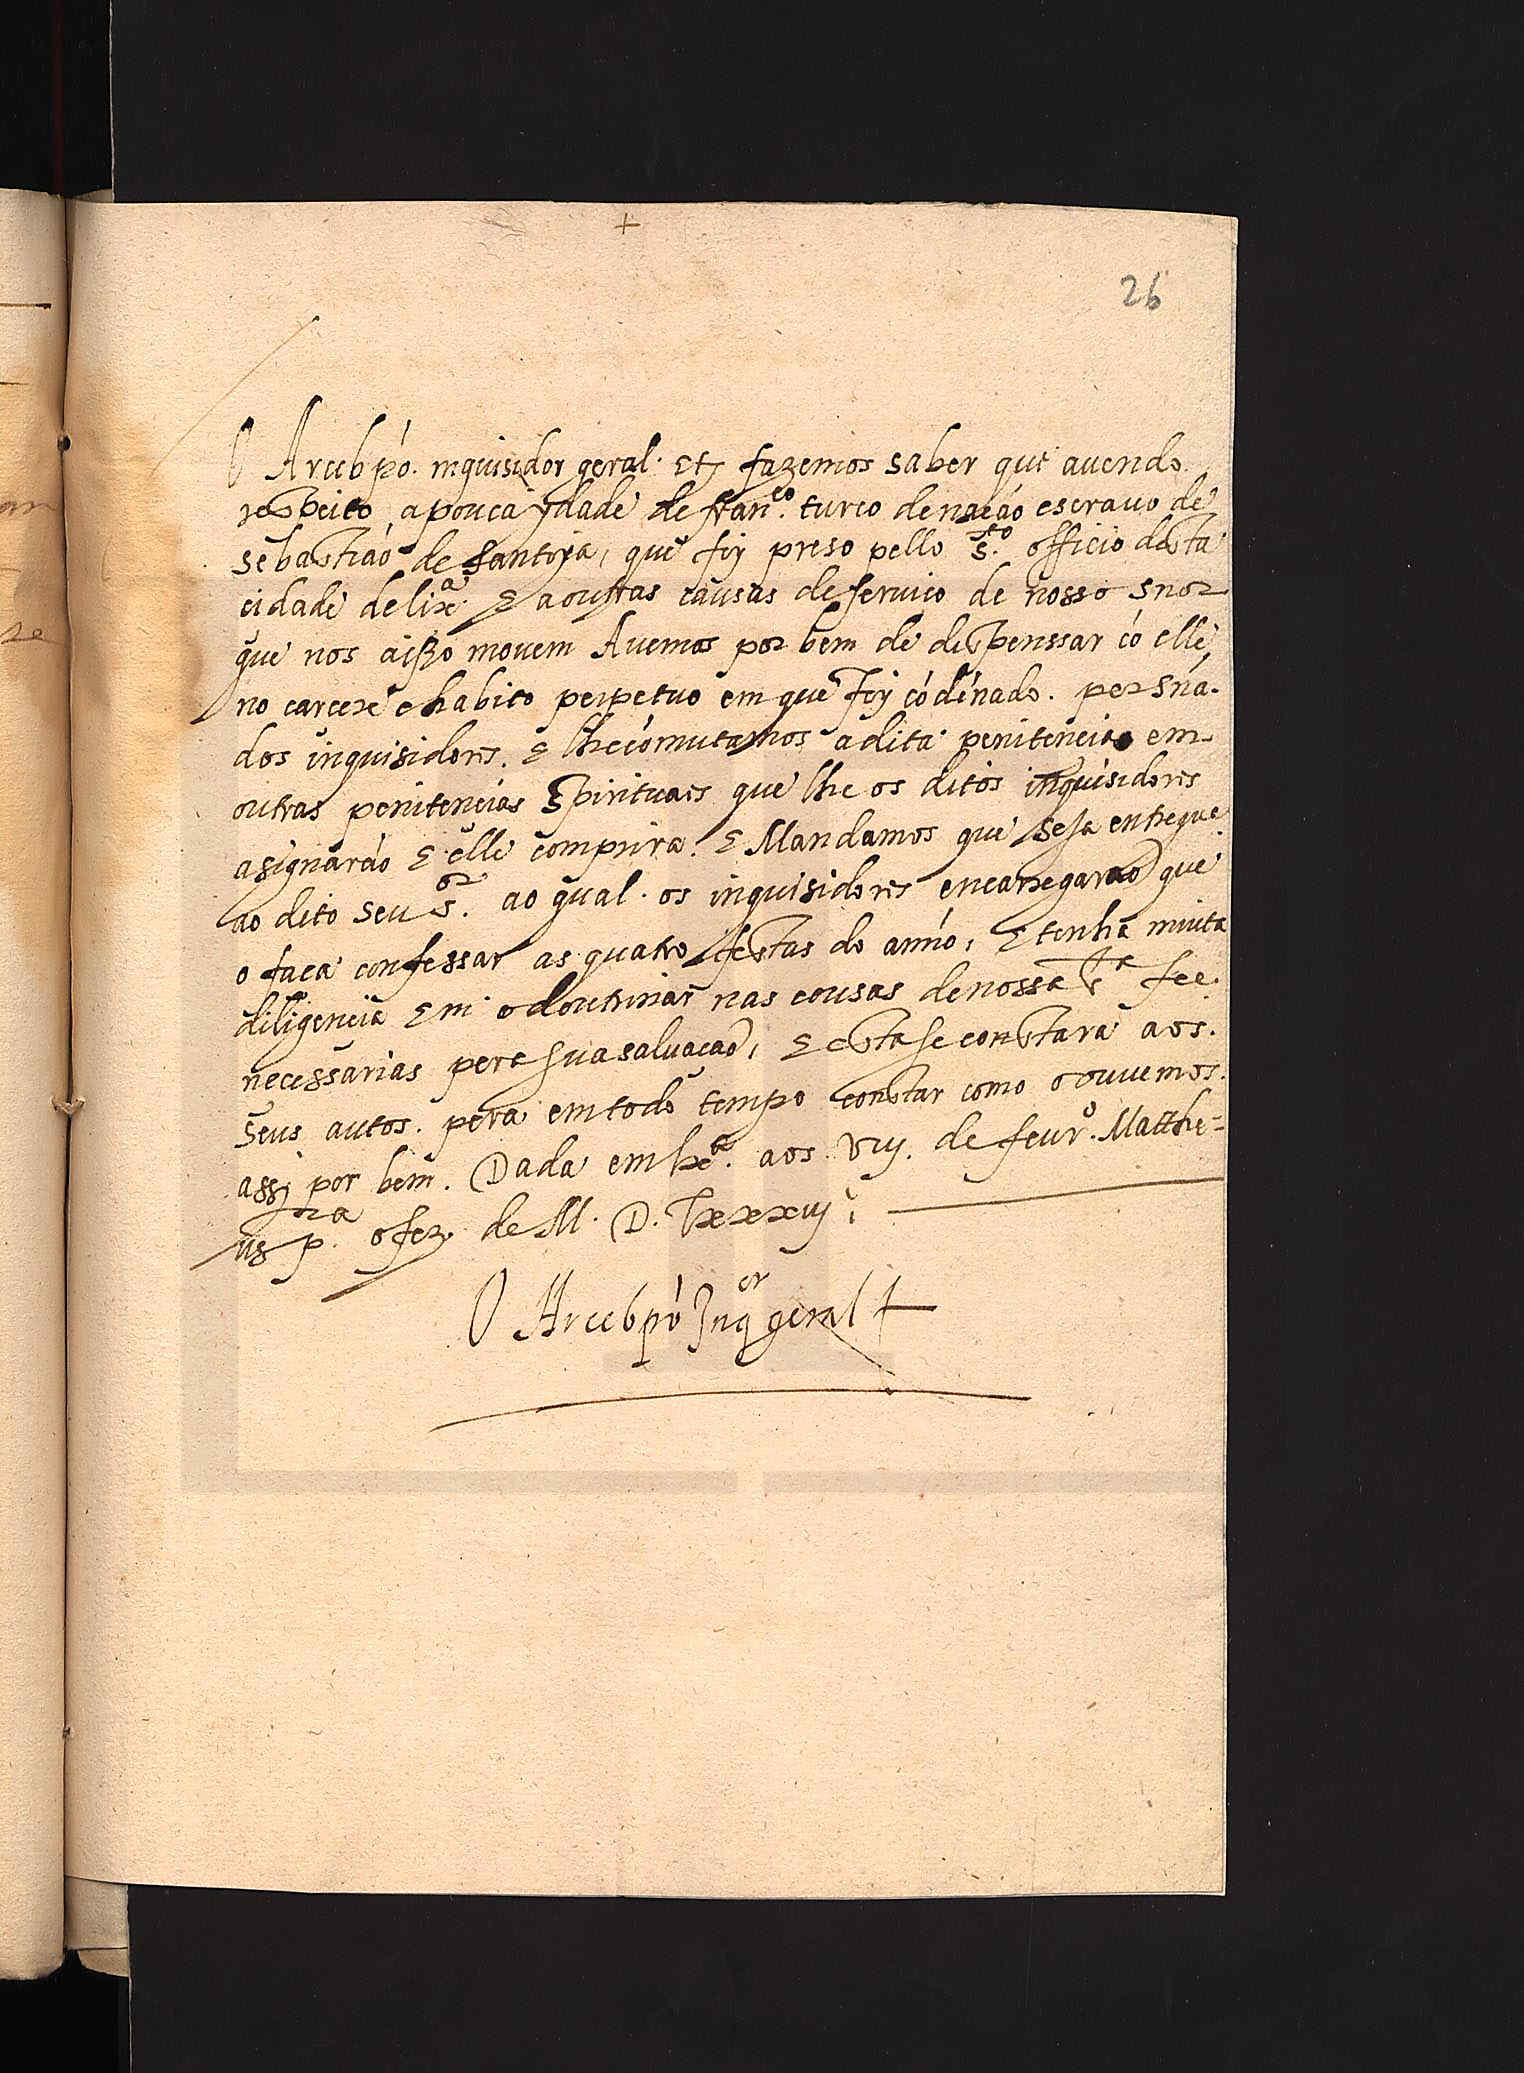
O Arcebpō inquisidor geral. Etꝭ fazemos saber que auendo
respeito a pouca ydade de franco. turco de naçaõ escrauo de
sebastiaõ de santoya, que foy preso pello sto. officio desta
cidade de lixa E a outras causas de seruiço de nosso snor
que nos a isso mouem Auemos por bem de dispenssar cō elle
no carcere e habito perpetuo em que foy cōden̄ado. per snā
dos inquisidores E lhe cōmutamos a dita penitencia em
outras penitencias spirituaes que lhe os dito inquisidores
asignaraõ E elle comprira. E Mandamos que seJa entregue
ao dito seu s.or ao qual os inquisidores encarregaraõ que
o faça confessar as quatro festas do annō, E tenha muita
diligencia Em o doutrinar nas cousas de nossa sta fee
necessarias pera sua saluaçaõ, E esta se constara aos
seus autos pera em todo tempo constar como o ouuemos
assj por bem. Dada em lxa. aos viij de feuro. Matthe
us pra o fez de M. D. lxxxiij
O Arcebpō Jnqor geral
